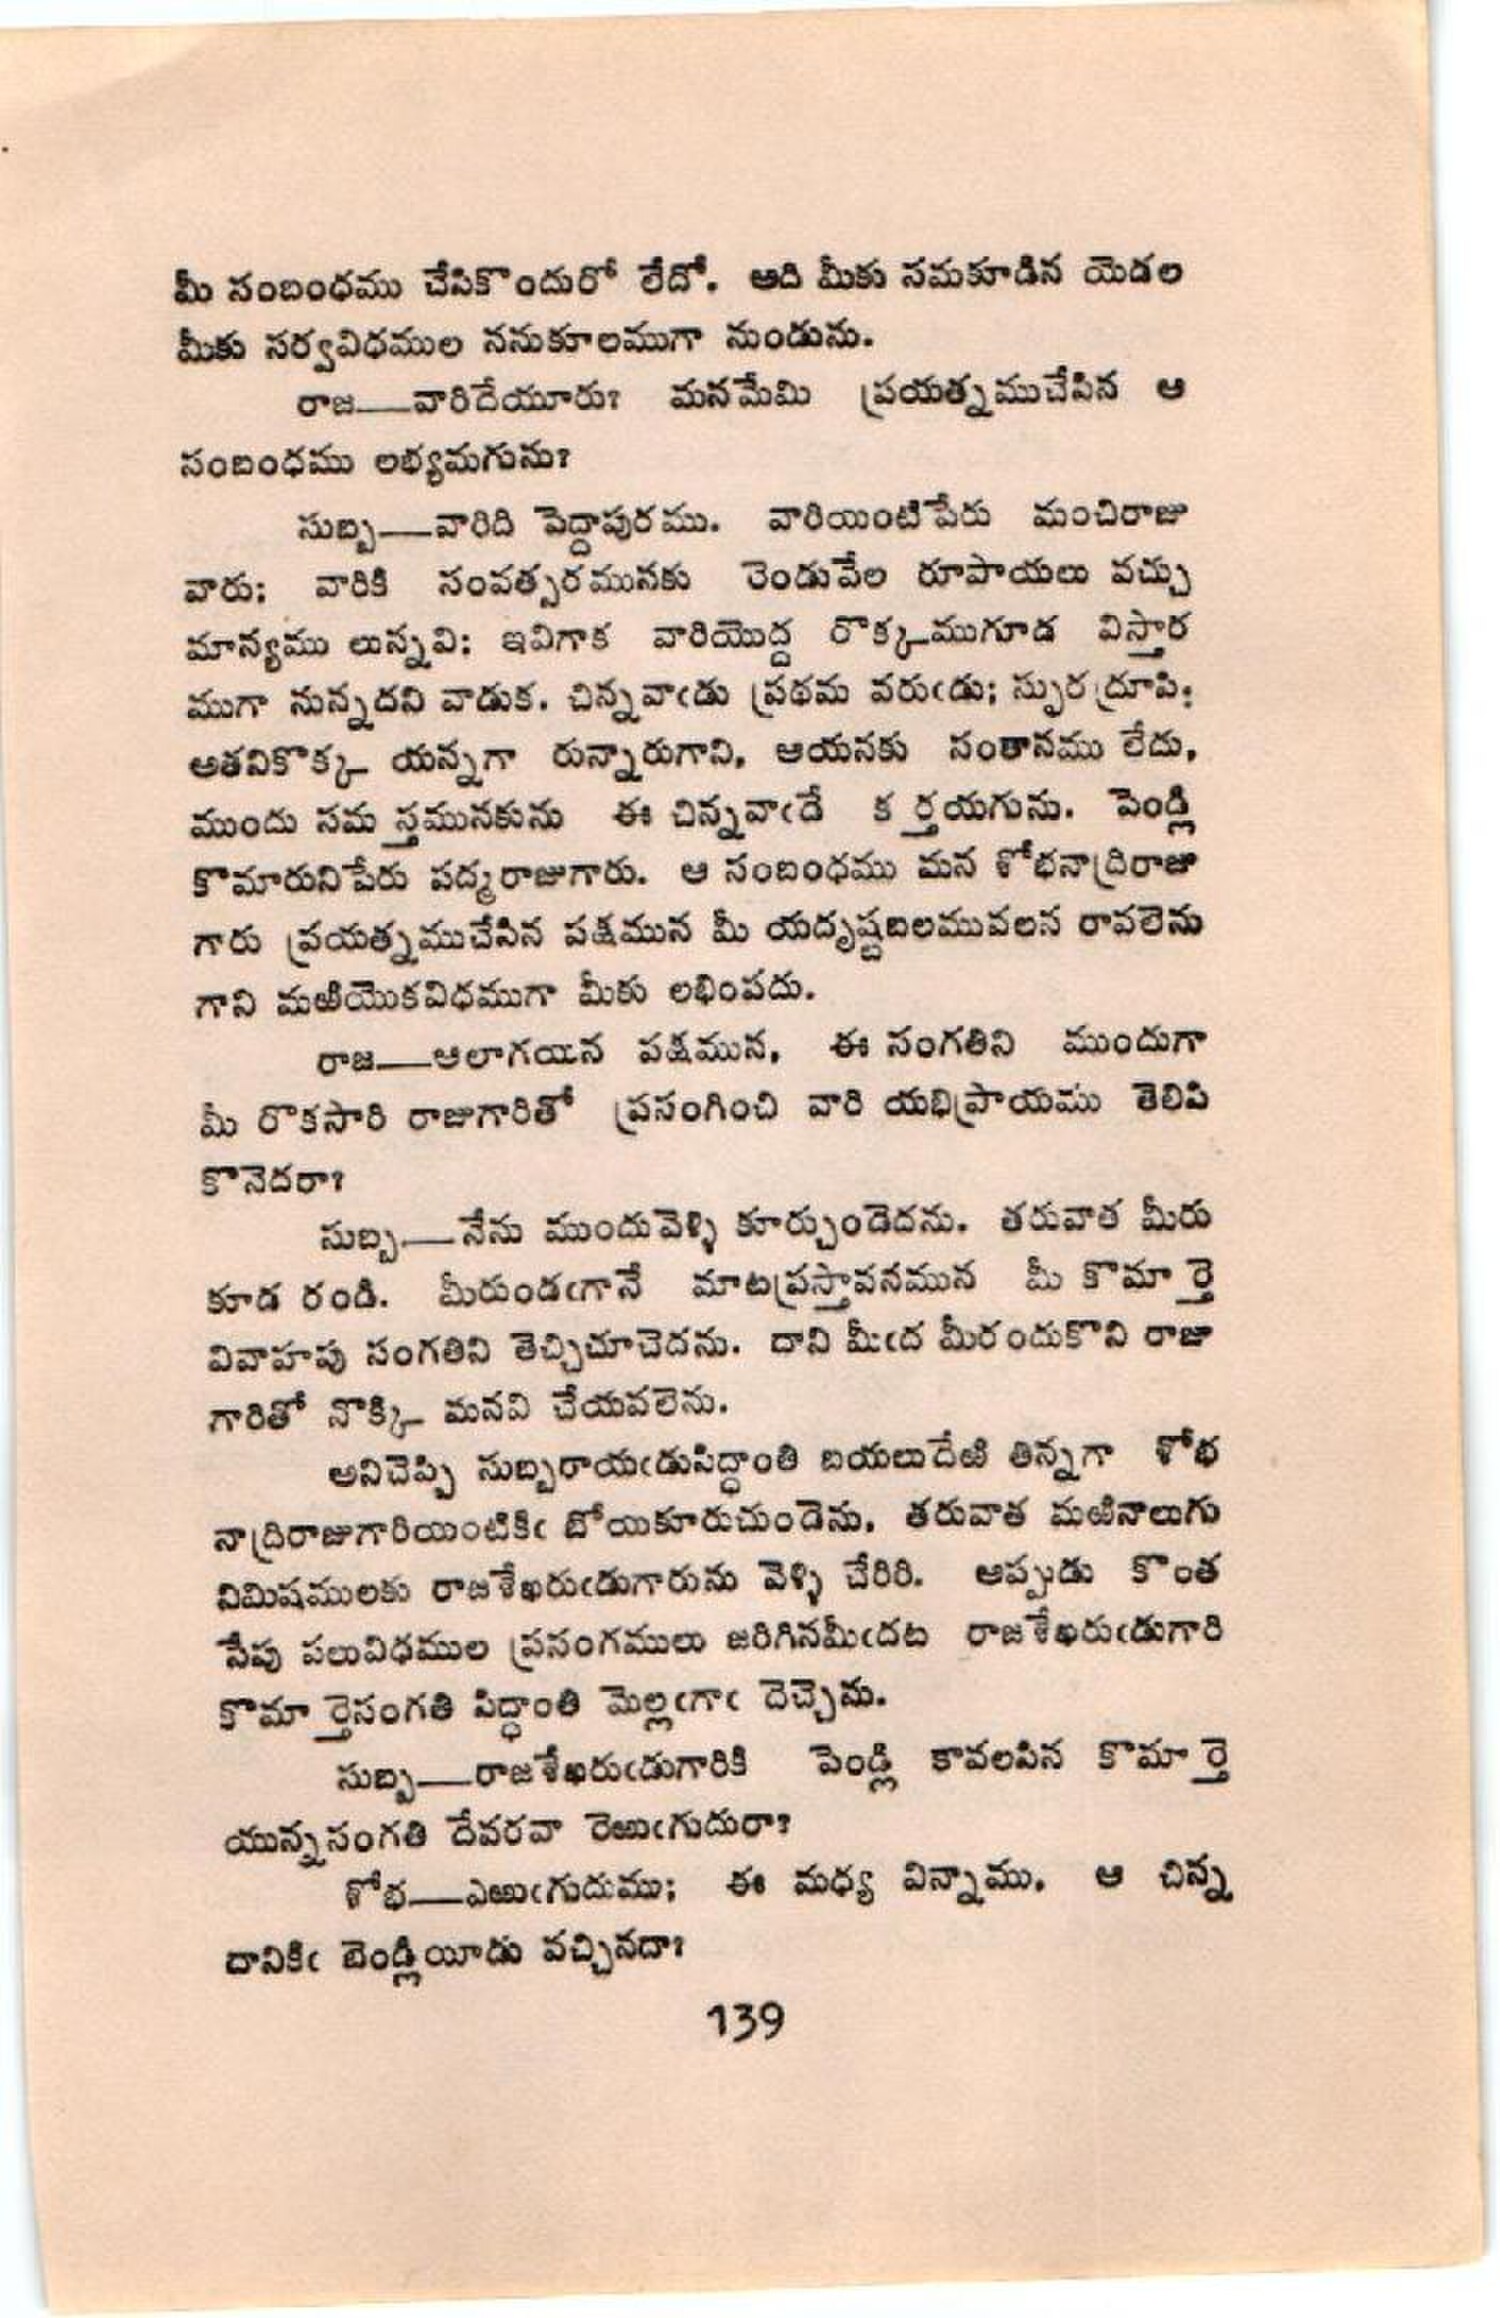సంబంధము చేసికొందురో లేదో, ఆది మీకు సమకూడిన యెడల మీకు సర్వవిధముల ననుకూలముగా నుండును.

రాజ__వారిదేయూరు? మనమేమి ప్రయత్నముచేసిన ఆ సంబంధము లభ్యమగును ?

సుబ్బ__వారిది పెద్దాపురము. వారియింటిపేరు మంచిరాజు వారు; వారికి సంవత్సరమునకు రెండువేల రూపాయలు వచ్చు మాన్యము లున్నవి: ఇవిగాక వారియొద్ద రొక్కముగూడ విస్తార ముగా నున్నదని వాడుక చిన్నవాఁడు ప్రథమ వరుఁడు; స్ఫురద్రూపి: అతనికొక్క యన్నగా రున్నారుగాని, ఆయనకు సంతానము లేదు, ముందు సమస్తమునకును ఈ చిన్నవాఁడే కర్తయగును. పెండ్లి కొమారునిపేరు పద్మరాజుగారు. ఆ సంబంధము మన శోభనాద్రిరాజు గారు ప్రయత్నముచేసిన పక్షమున మీ యదృష్టబలమువలన రావలెను గాని మఱియొకవిధముగా మీకు లభింపదు.

రాజ__ఆలాగయిన పక్షమున, ఈ సంగతిని ముందుగా మీరొకసారి రాజుగారితో ప్రసంగించి వారి యభిప్రాయము తెలిసికొనెదరా?

సుబ్బ__నేను ముందు వెళ్ళి కూర్చుండెదను. తరువాత మీరు కూడా రండి. మీరుండగానే మాట ప్రస్తావనమున మీ కొమార్తె వివాహపు సంగతిని తెచ్చిచూచెదను. దాని మీద మీరందుకొని రాజు గారితో నొక్కి మనవి చేయవలెను.

అనిచెప్పి సుబ్బరాయఁడుసిద్ధాంతి బయలుదేఱి తిన్నగా శోభ నాద్రిరాజుగారియింటికి బోయి కూరుచుండెను, తరువాత మఱినాలుగు నిమిషములకు రాజశేఖరుడుగారును వెళ్ళి చేరిరి. అప్పుడు కొంత సేపు పలువిధముల ప్రసంగములు జరిగినమీఁదట రాజశేఖరుడుగారి కొమార్తె సంగతి సంగతి మెల్లఁగా దెచ్చెను.

సుబ్బ__రాజశేఖరుడుగారికి పెండ్లి కావలసిన కొమార్తె యున్న సంగతి దేవరవా రెఱుగుదురా?

శోభ__ఎఱుఁగుదుము: ఈ మధ్య విన్నాము, ఆ చిన్న దానికిఁ బెండ్లి 
యీడు వచ్చినదా?